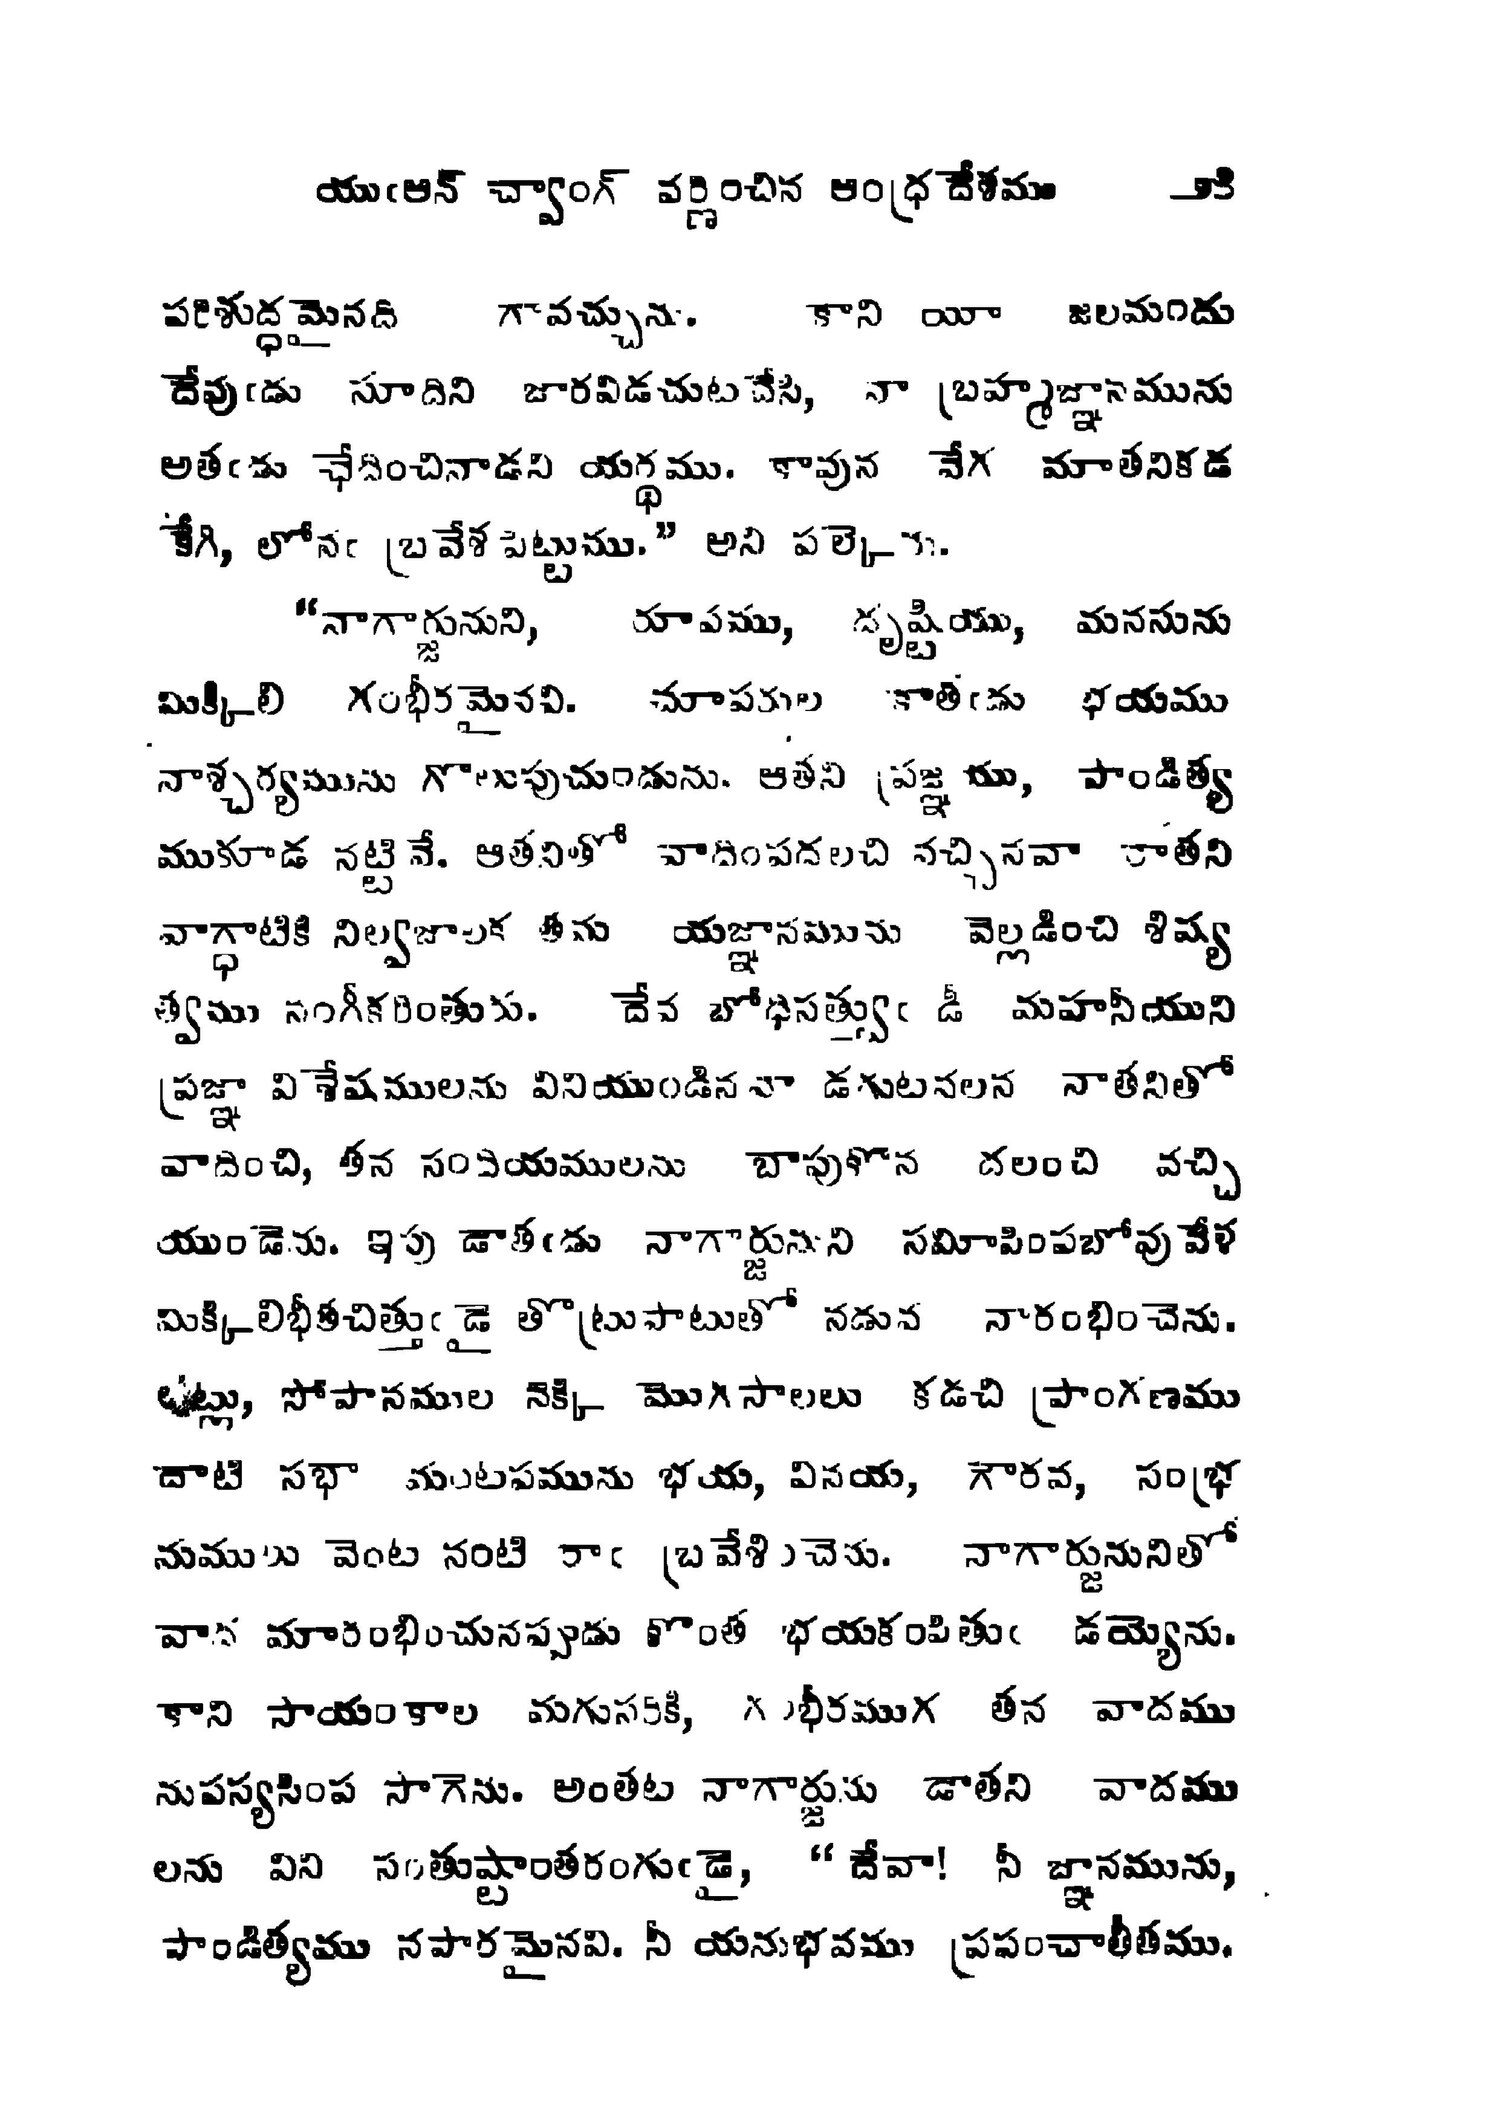పరిశుద్ధమైనది గావచ్చును. కాని యిాజలమందు దేవుడు సూదిని జారవిడుచుటచేసి, నా బ్రహ్మజ్ఞానమును అతడు ఛేదించినాడని యర్థము. కావున వేగ మాతనికడకేగి, లోన ప్రవేశ పెట్టుము" అని పల్కెను.

"నాగార్జునుని, రూపము, దృష్టియు, మనసును మిక్కిలి గంభీరమైనవి. చూపరులకాతడు భయము నాశ్చర్యము గొలుపుచుండును. అతని ప్రజ్ఞయు, పాండిత్యముకూడ నట్టివే. అతనితో వాదింపదలచి వచ్చినవారతని వాగ్ధాదాటికి నిల్వజాలక తమ యజ్ఞానమును వెల్లడించి శిష్యత్వము నంగీకరింతురు. దేవ బోధిసత్త్వుడీ మహనీయుని ప్రజ్ఞా విశేషములను వినియుండిన వాడగుటవలన నాతనితో వాదించి, తన సందియములను బాపుకొనదలచి వచ్చి యుండెను. ఇపు డాతడు నాగార్జునుని సమిాపింపబోవువేళ మిక్కిలి భీతచిత్తుడై తొట్రుపాటుతో నడువ నారంభించెను. అట్లు సోపానముల నెక్కి మొగసాలలు కడచి ప్రాంగణము దాటి సభామంటపమును భయ, వినయ, గౌరవ, సంభ్రమములు వెంటనంటి రాఁ బ్రవేశించెను. నాగార్జునితో వాద మారంభించునప్పుడు కొంత భయకంపితు డయ్యెను. కాని సాయంకాల మగుసరికి, గంభీరముగ తన వాదము నుపన్యసింప సాగెను. అంతట నాగార్జును డాతని వాదములను విని సంతుష్టాంతరంగుడై, "దేవా! నీ జ్ఞానమును, పాండిత్యము నపారమైనవి. నీ యనుభవము ప్రపంచాతీతము.